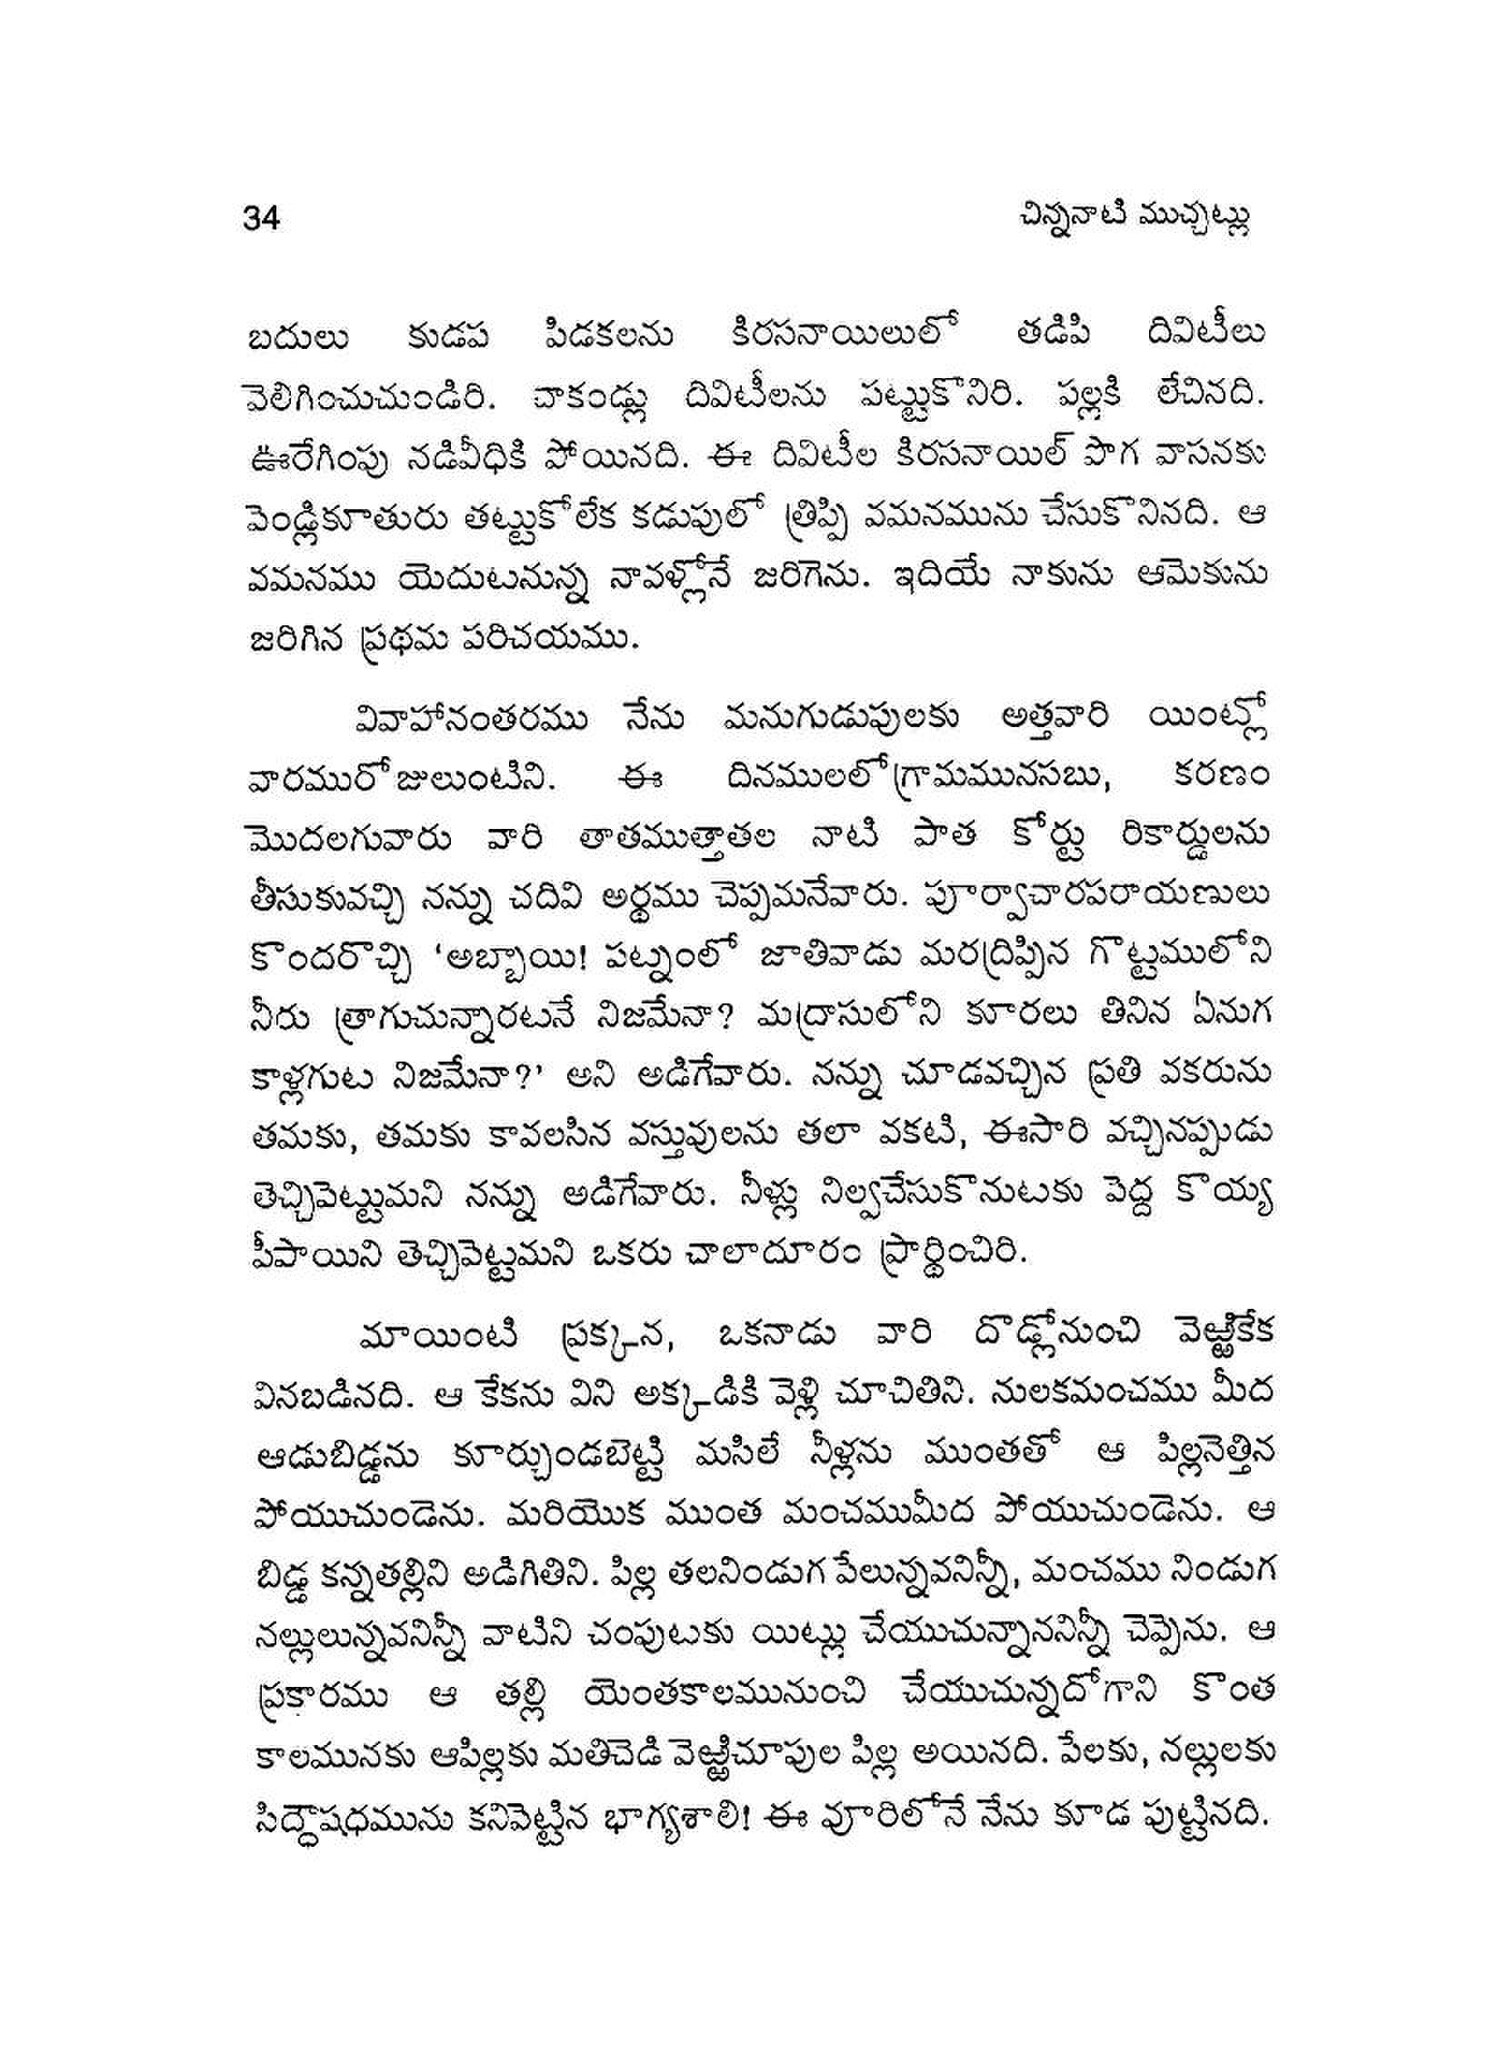బదులు కుడప పీడకలను కిరసనాయిలులో తడిపి దివిటీలు వెలిగించుచుండిరి. చాకండ్లు దివిటీలను పట్టుకొనిరి. పల్లకి లేచినది. ఊరేగింపు నడివీధికి పోయినది. ఈ దివిటీల కిరసనాయిల పొగ వాసనకు పెండ్లికూతురు తట్టుకోలేక కడుపులో త్రిప్పి వమనమును చేసుకొనినది. ఆ వమనము యెదుటనున్న నావళ్ళోనే జరిగెను. ఇదియే నాకును ఆమెకును జరిగిన ప్రథమ పరిచయము.

వివాహానంతరము నేను మనుగుడుపులకు అత్తవారి యింట్లో వారమురోజులుంటిని. ఈ దినములలో గ్రామమునసబు, కరణం మొదలగువారు వారి తాతముత్తాతల నాటి పాత కోర్టు రికార్డులను తీసుకువచ్చి నన్ను చదివి అర్ధము చెప్పమనేవారు. పూర్వాచారపరాయణులు కొందరొచ్చి 'అబ్బాయి! పట్నంలో జాతివాడు మరద్రిప్పిన గొట్టములోని నీరు త్రాగుచున్నారటనే నిజమేనా? మద్రాసులోని కూరలు తినిన ఏనుగ కాళ్లగుట నిజమేనా?' అని అడిగేవారు. నన్ను చూడవచ్చిన ప్రతి వకరును తమకు, తమకు కావలసిన వస్తువులను తలా వకటి, ఈసారి వచ్చినప్పుడు తెచ్చిపెట్టమని నన్ను అడిగేవారు. నీళ్లు నిల్వచేసుకొనుటకు పెద్ద కొయ్య పీపాయిని తెచ్చిపెట్టమని ఒకరు చాలాదూరం ప్రార్ధించిరి.

మాయింటి ప్రక్కన, ఒకనాడు వారి దొడ్లోనుంచి వెఱ్ఱికేక వినబడినది. ఆ కేకను విని అక్కడికి వెళ్లి చూచితిని. నులకమంచము మీద ఆడుబిడ్డను కూర్చుండబెట్టి మసిలే నీళ్లను ముంతతో ఆ పిల్లనెత్తిన పోయుచుండెను. మరియొక ముంత మంచముమీద పోయుచుండెను. ఆ బిడ్డ కన్నతల్లిని అడిగితిని. పిల్ల తలనిండుగ పేలున్నవనిన్నీ, మంచము నిండుగ నల్లులున్నవనిన్నీ వాటిని చంపుటకు యిట్లు చేయుచున్నాననిన్నీ చెప్పెను. ఆ ప్రకారము ఆ తల్లి యెంతకాలమునుంచి చేయుచున్నదో గాని కొంత కాలమునకు ఆపిల్లకు మతిచెడివెఱ్ఱిచూపుల పిల్ల అయినది. పేలకు, నల్లులకు సిద్ధౌషధమును కనిపెట్టిన భాగ్యశాలి! ఈ వూరిలోనే నేను కూడ పుట్టినది.